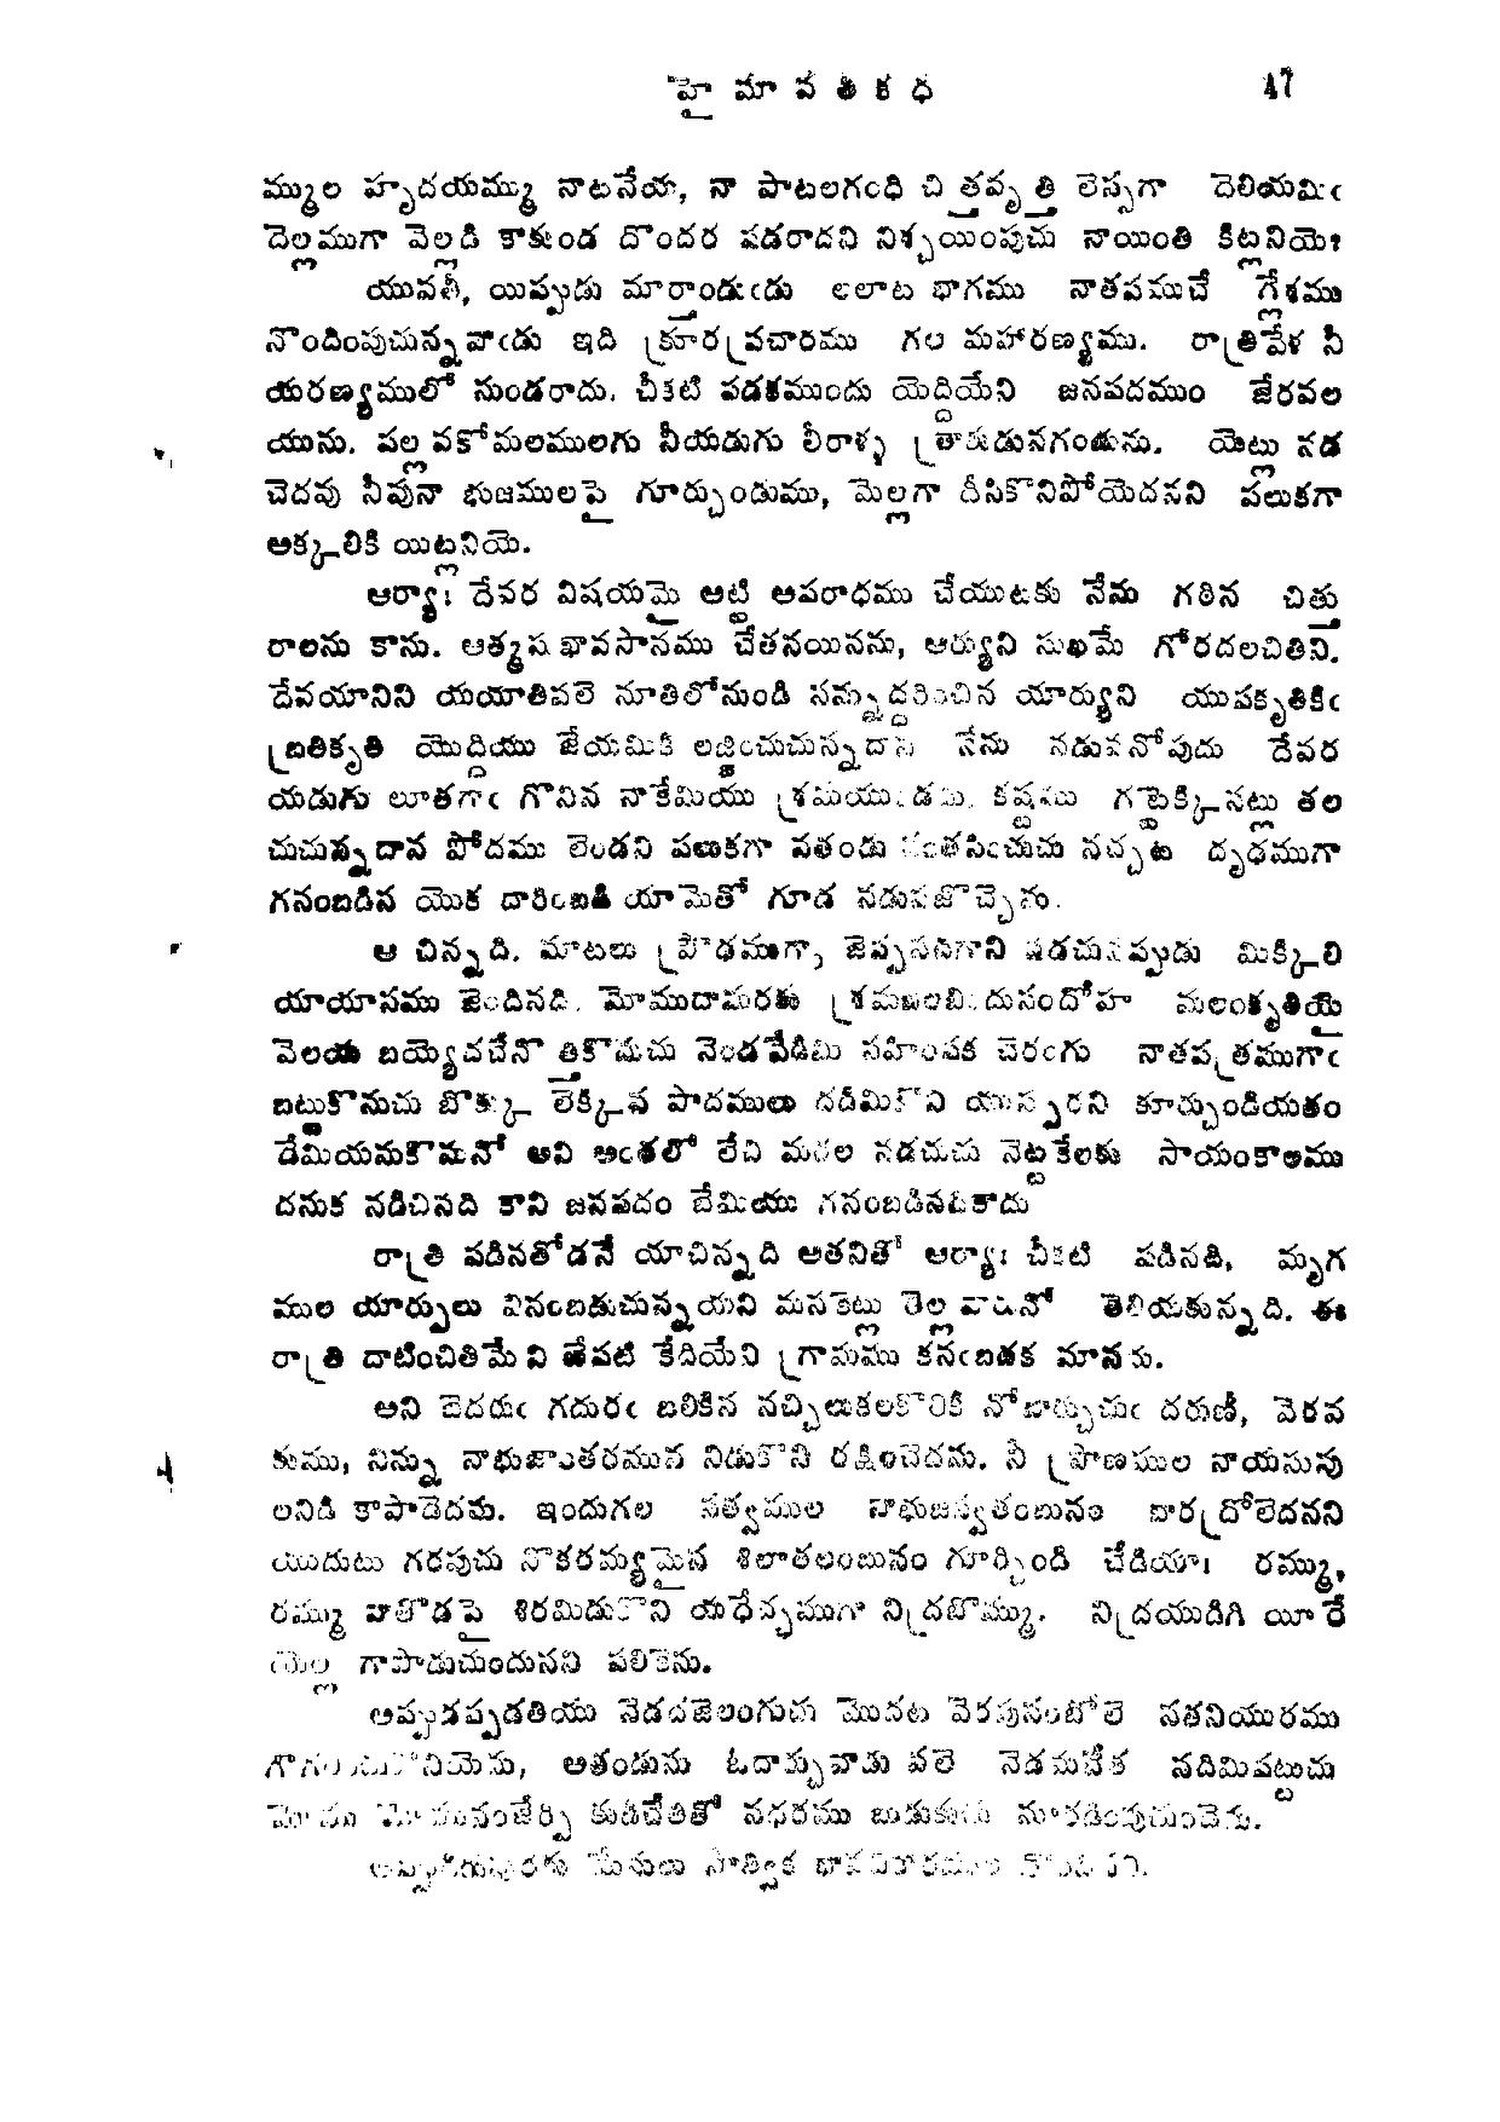మ్ముల హృదయమ్ము నాటనేయ, నా పాటలగంధి చిత్తవృత్తి లెస్సగా దెలియమిఁ దెల్లముగా వెల్లడి కాకుండ దొందర పడరాదని నిశ్చయింపుచు నాయింతి కిట్లనియె.

యువతీ, యిప్పుడు మార్తాండుఁడు లలాటభాగము నాతపముచే గ్లేశము నొందింపుచున్నవాఁడు ఇది క్రూరప్రచారము గల మహారణ్యము. రాత్రివేళ నీ యరణ్యములో నుండరాదు. చీకటి పడకముందు యెద్దియేని జనపదముం జేరవలయును. పల్లవకోమలములగు నీయడుగు లీరాళ్ళ త్రాకుడునగందును. యెట్లు నడచెదవు నీవు నాభుజములపై గూర్చుండుము, మెల్లగా దీసికొనిపోయెదనని పలుకగా అక్కలికి యిట్లనియె.

ఆర్యా! దేవర విషయమై అట్టి అపరాధము చేయుటకు నేను గఠినచిత్తురాలను కాను. ఆత్మసుఖావసానము చేతనయినను, ఆర్యుని సుఖమే గోరదలచితిని. దేవయానిని యయాతివలె నూతిలోనుండి నన్నుద్దరించిన యార్యుని యుపకృతికిఁ బ్రతికృతి యొద్దియు జేయమికి లజ్జించుచున్నదాన. నేను నడువనోపుదు దేవర యడుగు లూతగాఁ గొనిన నాకేమియు శ్రమయుండదు. కష్టము గట్టెక్కినట్లు తలచుచున్నదాన పోదము లెండని పలుకగా నతండు సంతసించుచు నచ్చట దృఢముగా గనంబడిన యొకదారింబడి యామెతో గూడ నడువజొచ్చెను.

ఆ చిన్నది. మాటలు ప్రౌఢముగా, జెప్పనదిగాని నడచునప్పుడు మిక్కిలి యాయాసము జెందినది. మోముదామరకు శ్రమజలబిందుసందోహ మలంకృతియై వెలయు బయ్యెదచేనొత్తికొనుచు నెండవేడిమి సహింపక చెరంగు నాతపత్రముగాఁ బట్టుకొనుచు బొక్కు లెక్కిన పాదములు దడిమికొని యుస్పరని కూర్చుండియతం డేమియమకొనునో అని అంతలో లేచి మరల నడచుచు నెట్టకేలకు సాయంకాలము
దనుక నడిచినది కాని జనపదం బేమియు గనంబడినదికాదు

రాత్రి పడినతోడనే యాచిన్నది అతనితో ఆర్యా! చీకటి పడినది. మృగముల యార్పులు వినంబడుచున్నయని మనకెట్లు తెల్ల వారునో తెలియకున్నది. ఈ రాత్రి దాటించితిమేని ఱేపటి కేదియేని గ్రామము కనఁబడక మానదు.

అని బెదరుఁ గదురఁ బలికిన నచ్చిలుకలకొలికి నోదార్చుచుఁ దరుణీ, వెరవకుము, నిన్ను నాభుజాంతరమున నిడుకొని రక్షించెదను. నీ ప్రాణముల నాయసువులనిడి కాపాడెదను. ఇందుగల సత్వముల నాభుజసత్వంబునం బారద్రోలెదనని యుదుటు గరపుచు నొకరమ్యమైన శిలాతలంబునం గూర్చిండి చేడియా! రమ్ము, రమ్ము నాతొడపై శిరమిడుకొని యథేచ్ఛముగా నిద్రబొమ్ము. నిద్రయుడిగి యీ రే యెల్ల గాపాడుచుందునని పలికెను.

అప్పు డప్పడతియు నెడదజెలంగుచు మొదట వెరపునంబోలె నతనియురము గౌగలించుకొనియెను, అతండును ఓదార్చువాడు వలె నెడమచేత నదిమిపట్టుచు మోము మోమునంజేర్పి కుడిచేతితో నధరము బుడుకుచు నూరడింపుచుండెను.

అప్పు డిరువురకు మేనులు సాత్వికభావవికారముల నొందినవి.